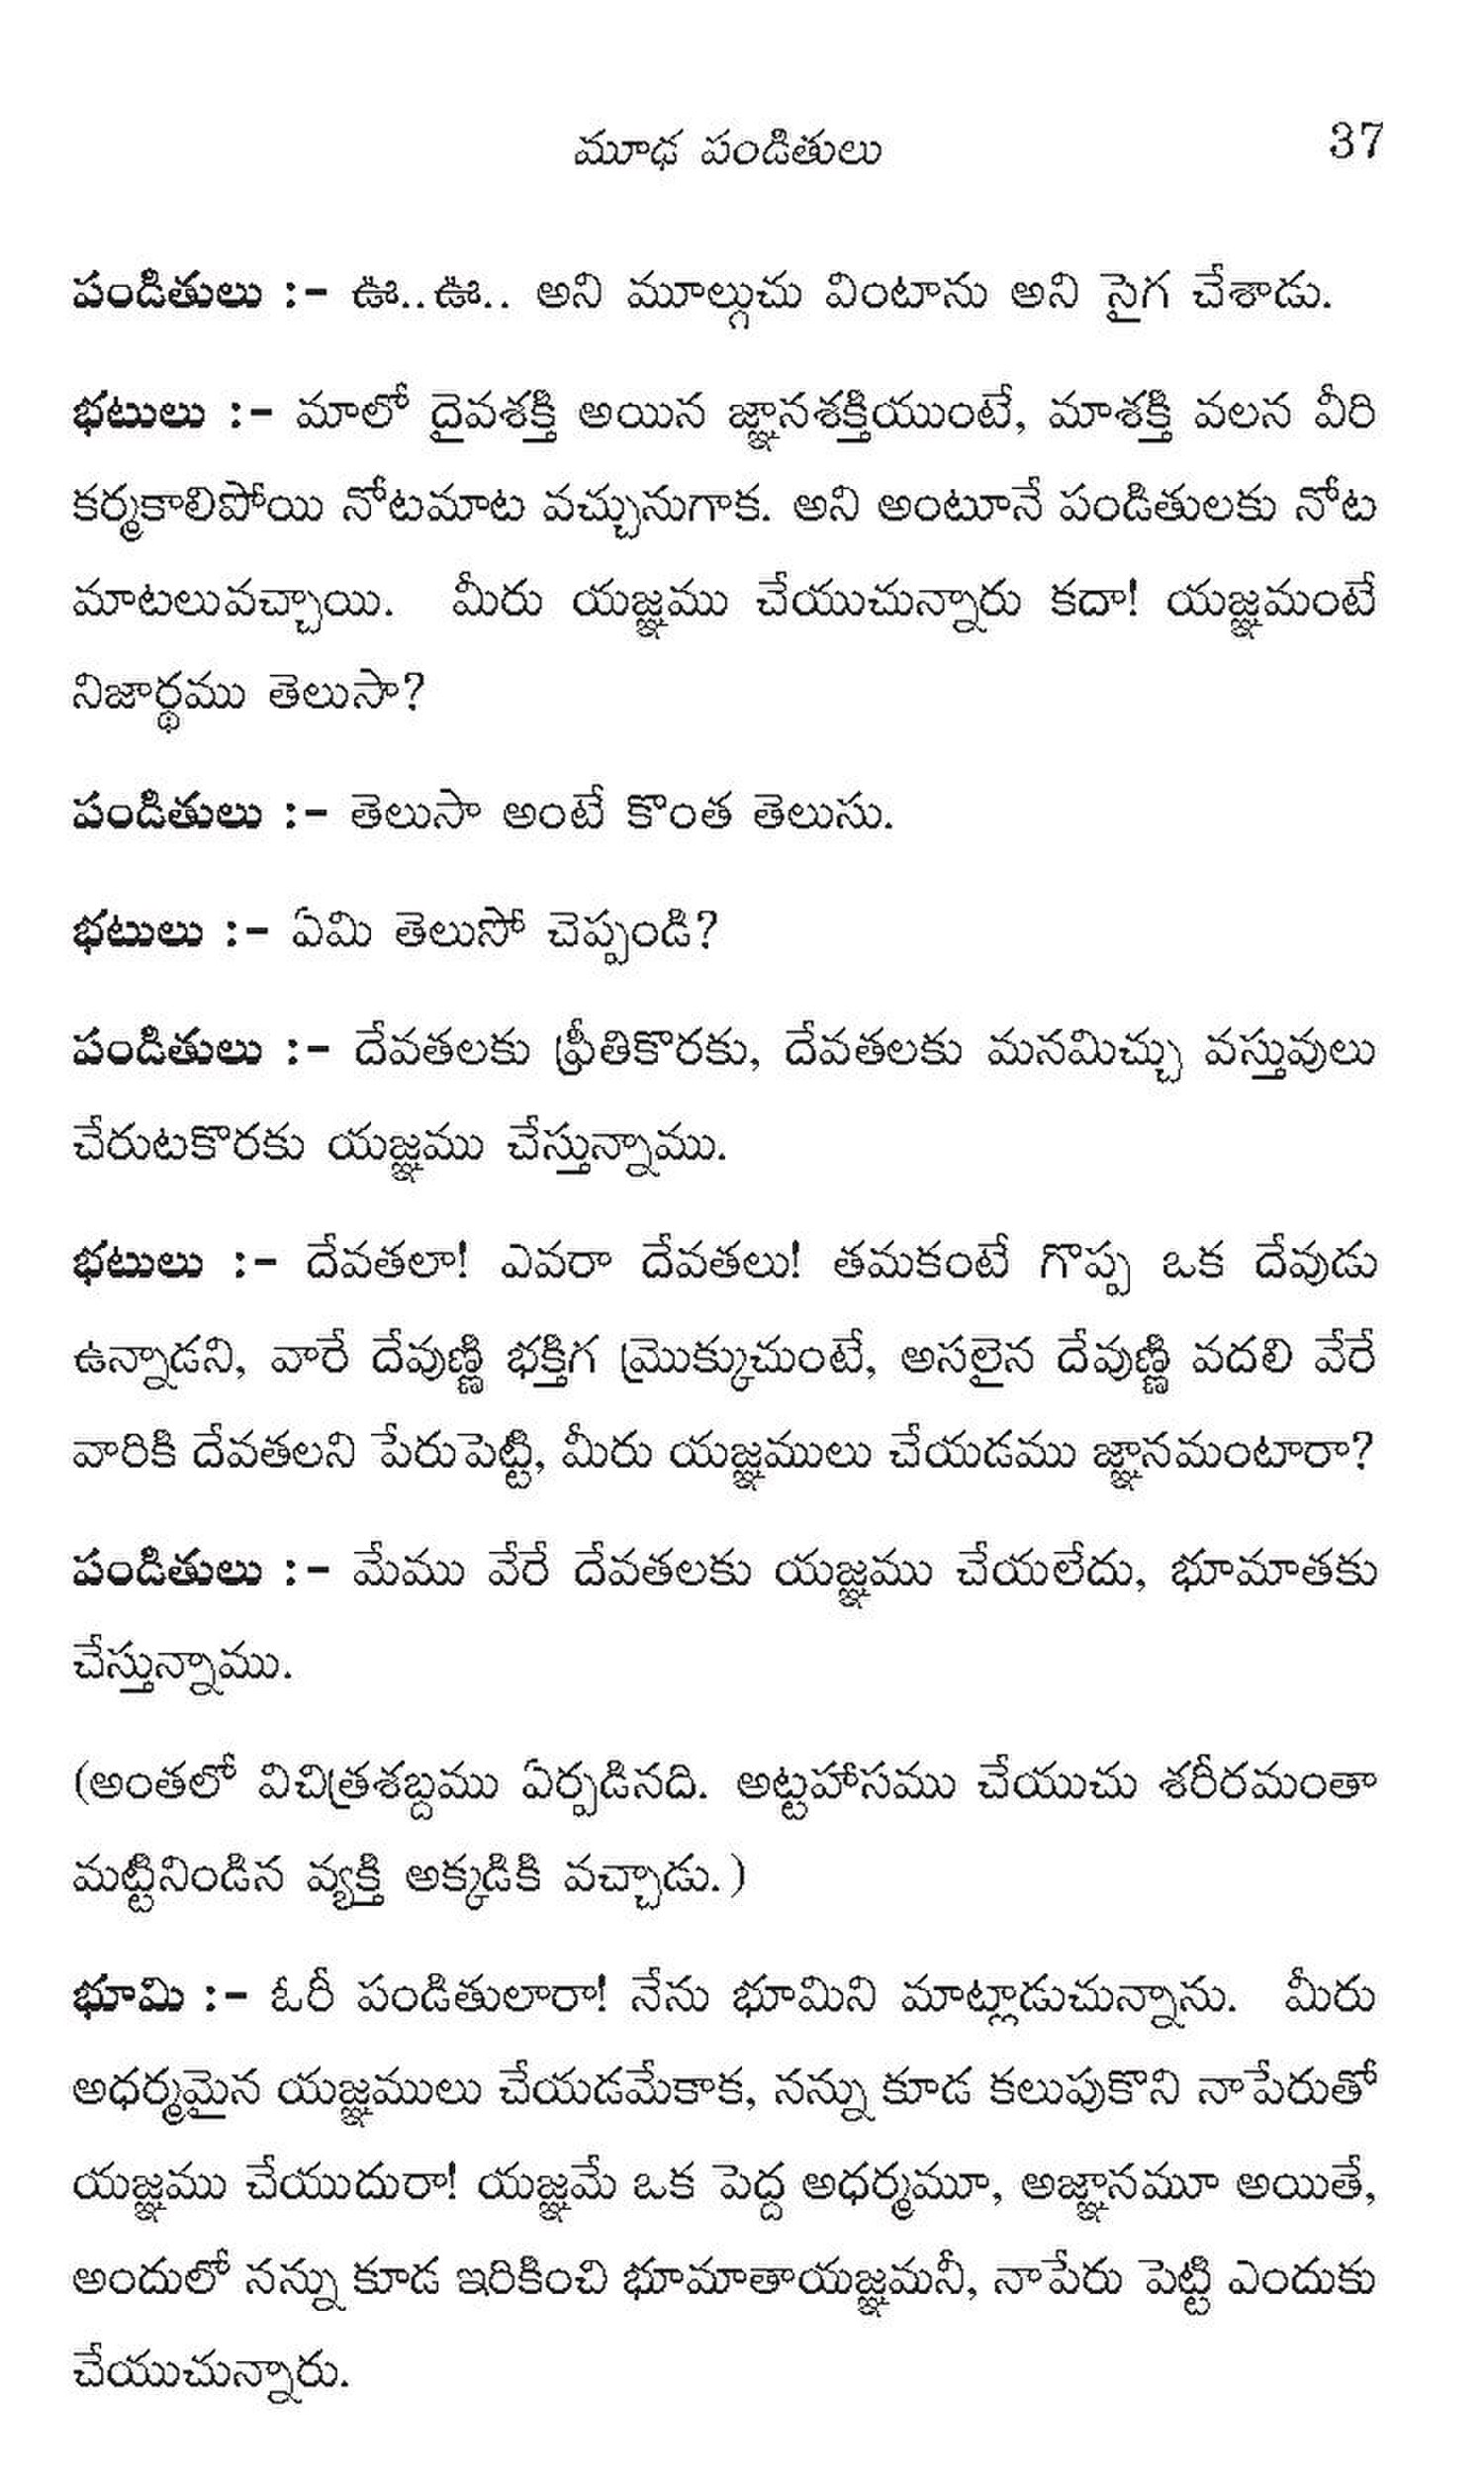పండితులు :- ఊ..ఊ.. అని మూల్గుచు వింటాను అని సైగ చేశాడు.

భటులు :- మాలో దైవశక్తి అయిన జ్ఞానశక్తియుంటే, మాశక్తి వలన వీరి కర్మకాలిపోయి నోటమాట వచ్చునుగాక. అని అంటూనే పండితులకు నోట మాటలువచ్చాయి. మీరు యజ్ఞము చేయుచున్నారు కదా! యజ్ఞమంటే నిజార్థము తెలుసా?

పండితులు :- తెలుసా అంటే కొంత తెలుసు.

భటులు :- ఏమి తెలుసో చెప్పండి?

పండితులు :- దేవతలకు ఫ్రీతికొరకు, దేవతలకు మనమిచ్చు వస్తువులు చేరుటకొరకు యజ్ఞము చేస్తున్నాము.

భటులు :- దేవతలా! ఎవరా దేవతలు! తమకంటే గొప్ప ఒక దేవుడు ఉన్నాడని, వారే దేవుణ్ణి భక్తిగ మ్రొక్కుచుంటే, అసలైన దేవుణ్ణి వదలి వేరే వారికి దేవతలని పేరుపెట్టి, మీరు యజ్ఞములు చేయడము జ్ఞానమంటారా?

పండితులు :- మేము వేరే దేవతలకు యజ్ఞము చేయలేదు, భూమాతకు చేస్తున్నాము.

(అంతలో విచిత్రశబ్దము ఏర్పడినది. అట్టహాసము చేయుచు శరీరమంతా మట్టినిండిన వ్యక్తి అక్కడికి వచ్చాడు.)

భూమి :- ఓరీ పండితులారా! నేను భూమిని మాట్లాడుచున్నాను. మీరు అధర్మమైన యజ్ఞములు చేయడమేకాక, నన్ను కూడ కలుపుకొని నాపేరుతో యజ్ఞము చేయుదురా! యజ్ఞమే ఒక పెద్ద అధర్మమూ, అజ్ఞానమూ అయితే, అందులో నన్ను కూడ ఇరికించి భూమాతాయజ్ఞమనీ, నాపేరు పెట్టి ఎందుకు చేయుచున్నారు.